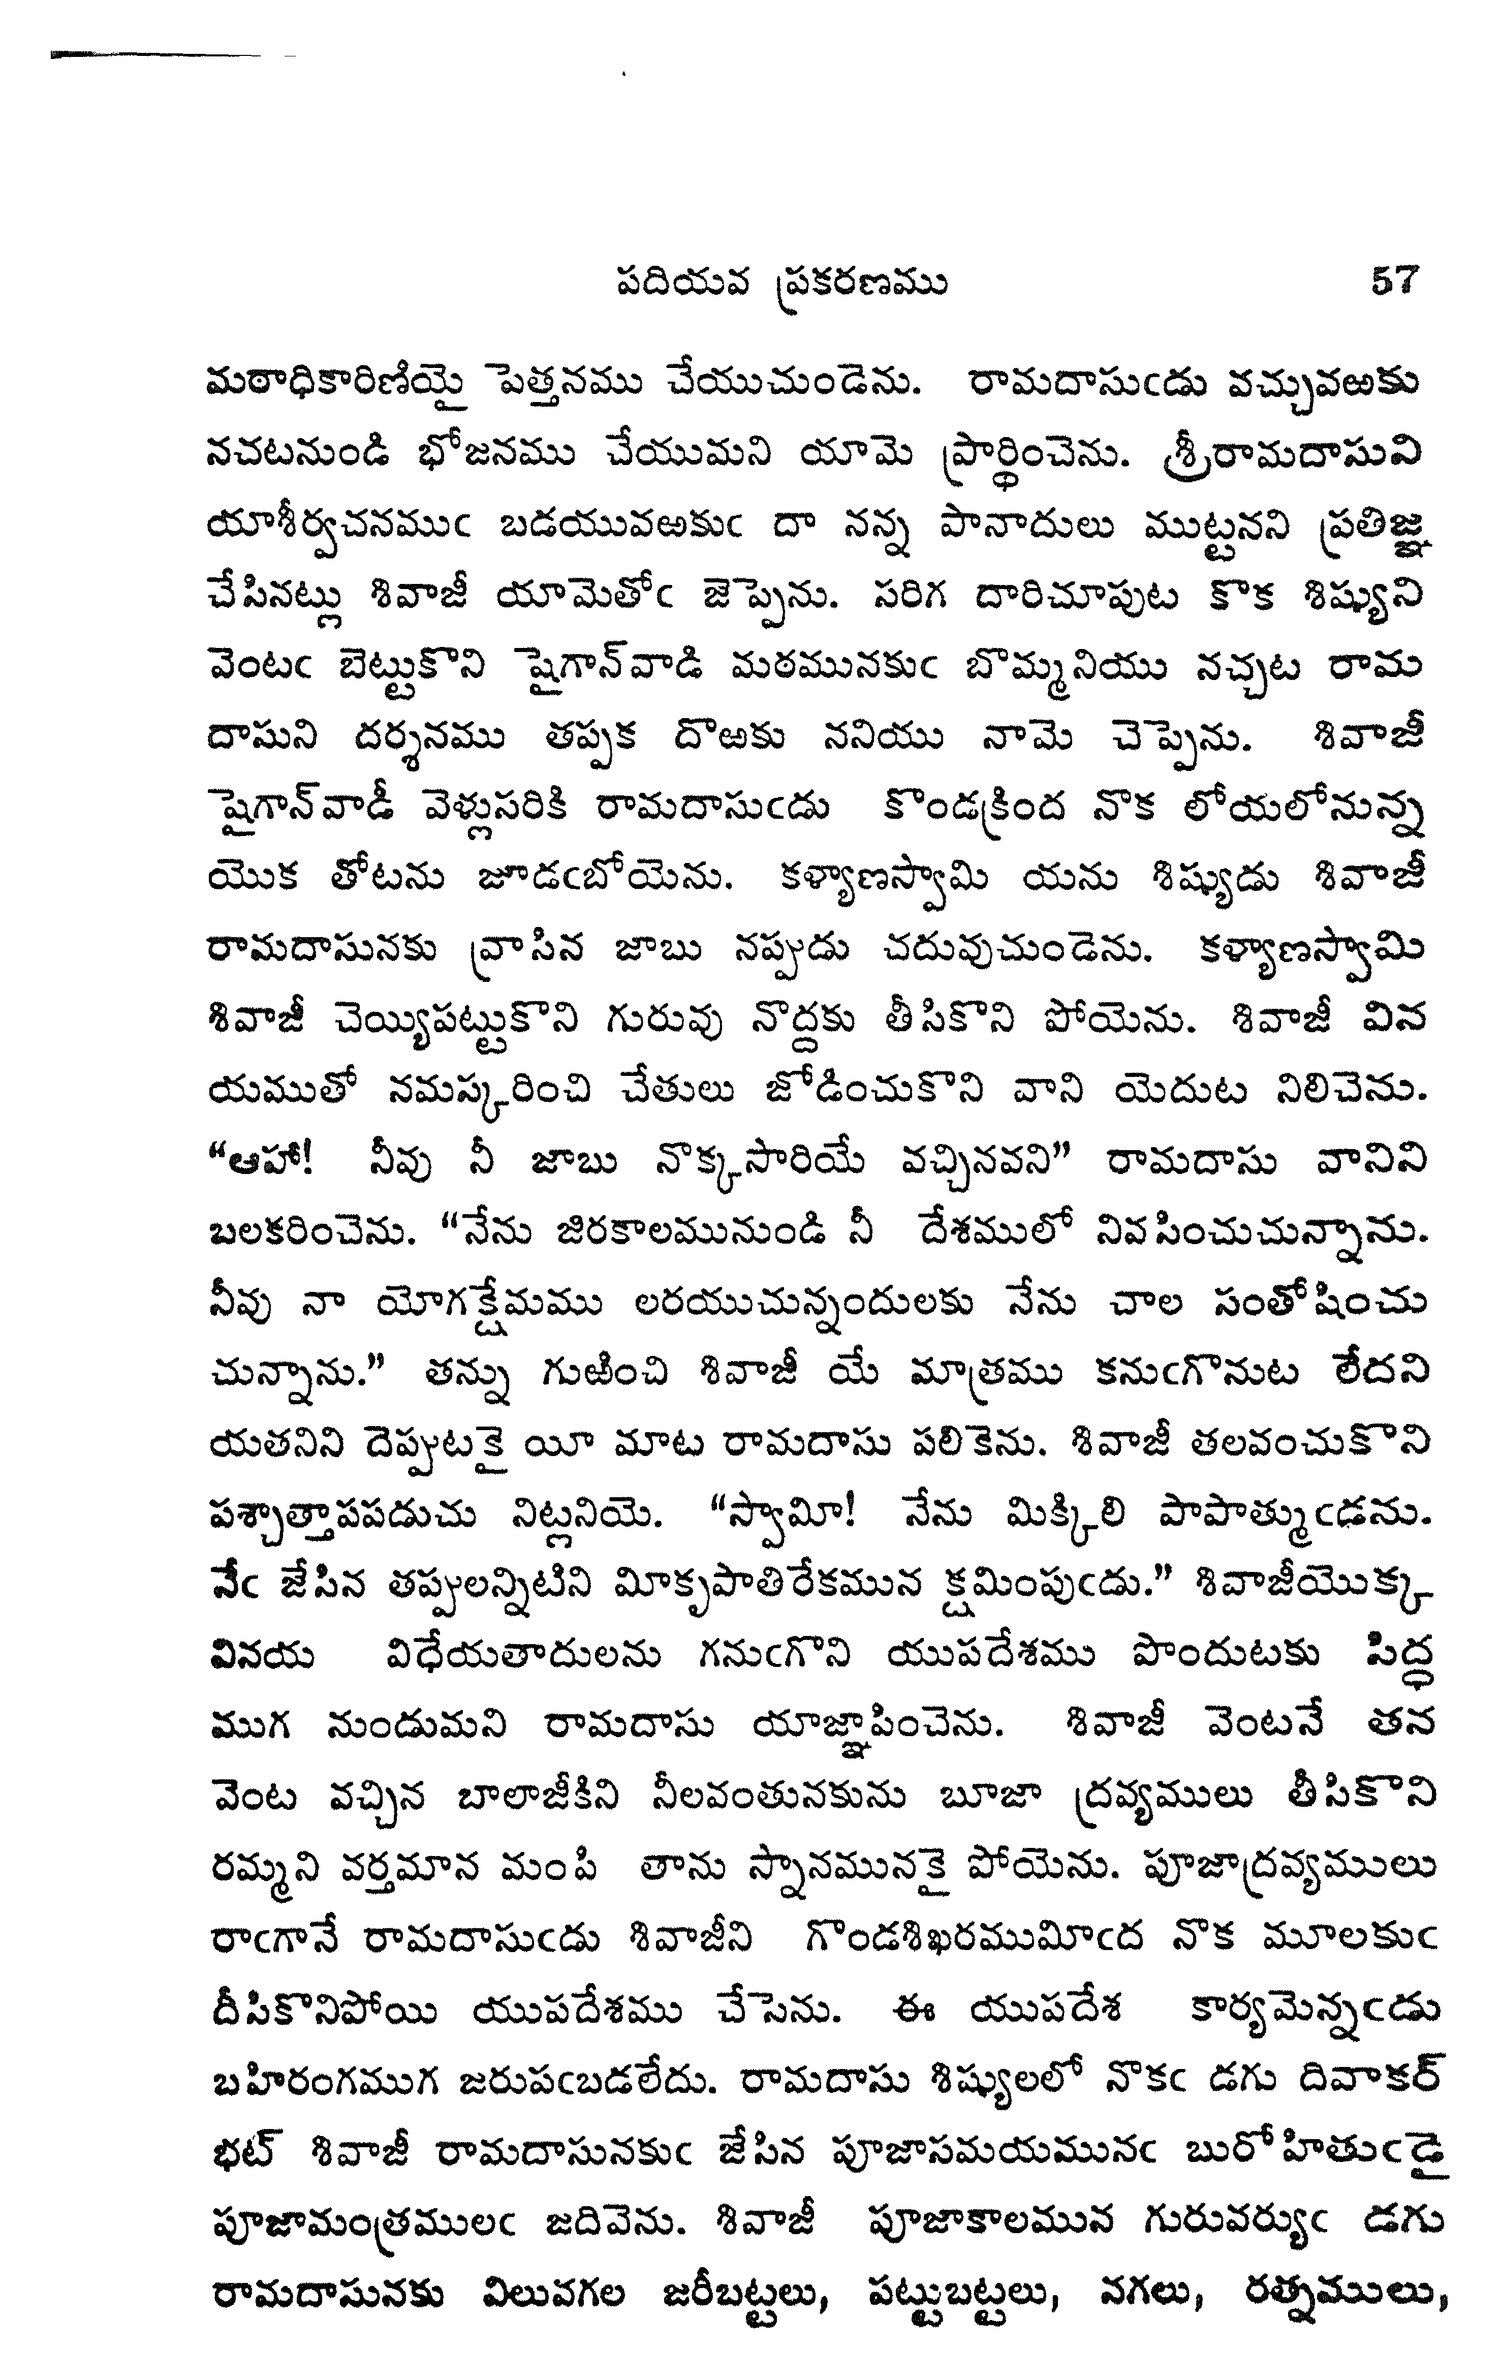మఠాధికారిణియై పెత్తనము చేయుచుండెను. రామదాసుడు వచ్చువఱకు నచటనుండి భోజనము చేయుమని యామె ప్రార్థించెను. శ్రీరామదాసుని యాశీర్వచనము బడయువఱకు దా నన్న పానాదులు ముట్టనని ప్రతిజ్ఞ చేసినట్లు శివాజీ యామెతో జెప్పెను. సరిగ దారిచూపుట కొక శిష్యుని వెంట బెట్టుకొని షైగాన్‌వాడి మఠమునకు బొమ్మనియు నచ్చట రామదాసుని దర్శనము తప్పక దొఱకు ననియు నామె చెప్పెను. శివాజీ షైగాన్‌వాడీ వెళ్లుసరికి రామదాసుడు కొండక్రింద నొక లోయలోనున్న యొక తోటను జూడబోయెను. కళ్యాణస్వామి యను శిష్యుడు శివాజీ రామదాసునకు వ్రాసిన జాబు నప్పుడు చదువుచుండెను. కళ్యాణస్వామి శివాజీ చెయ్యిపట్టుకొని గురువు నొద్దకు తీసికొని పోయెను. శివాజీ వినయముతో నమస్కరించి చేతులు జోడించుకొని వాని యెదుట నిలిచెను. "ఆహా! నీవు నీ జాబు నొక్కసారియే వచ్చినవని" రామదాసు వానిని బలకరించెను. "నేను జిరకాలమునుండి నీ దేశములో నివసించుచున్నాను. నీవు నా యోగక్షేమము లరయుచున్నందులకు నేను చాల సంతోషించు చున్నాను." తన్ను గుఱించి శివాజీ యే మాత్రము కనుగొనుట లేదని యతనిని దెప్పుటకై యీ మాట రామదాసు పలికెను. శివాజీ తలవంచుకొని పశ్చాత్తాపపడుచు నిట్లనియె. "స్వామీ! నేను మిక్కిలి పాపాత్ముడను. నే జేసిన తప్పులన్నిటిని మీకృపాతిరేకమున క్షమింపుడు." శివాజీయొక్క వినయ విధేయతాదులను గనుగొని యుపదేశము పొందుటకు సిద్ధముగ నుండుమని రామదాసు యాజ్ఞాపించెను. శివాజీ వెంటనే తన వెంట వచ్చిన బాలాజీకిని నీలవంతునకును బూజా ద్రవ్యములు తీసికొని రమ్మని వర్తమాన మంపి తాను స్నానమునకై పోయెను. పూజాద్రవ్యములు రాగానే రామదాసుడు శివాజీని గొండశిఖరముమీద నొక మూలకు దీసికొనిపోయి యుపదేశము చేసెను. ఈ యుపదేశ కార్యమెన్నడు బహిరంగముగ జరుపబడలేదు. రామదాసు శిష్యులలో నొక డగు దివాకర్‌భట్ శివాజీ రామదాసునకు జేసిన పూజాసమయమున బురోహితుడై పూజామంత్రముల జదివెను. శివాజీ పూజాకాలమున గురువర్యు డగు రామదాసునకు విలువగల జరీబట్టలు, పట్టుబట్టలు, నగలు, రత్నములు,